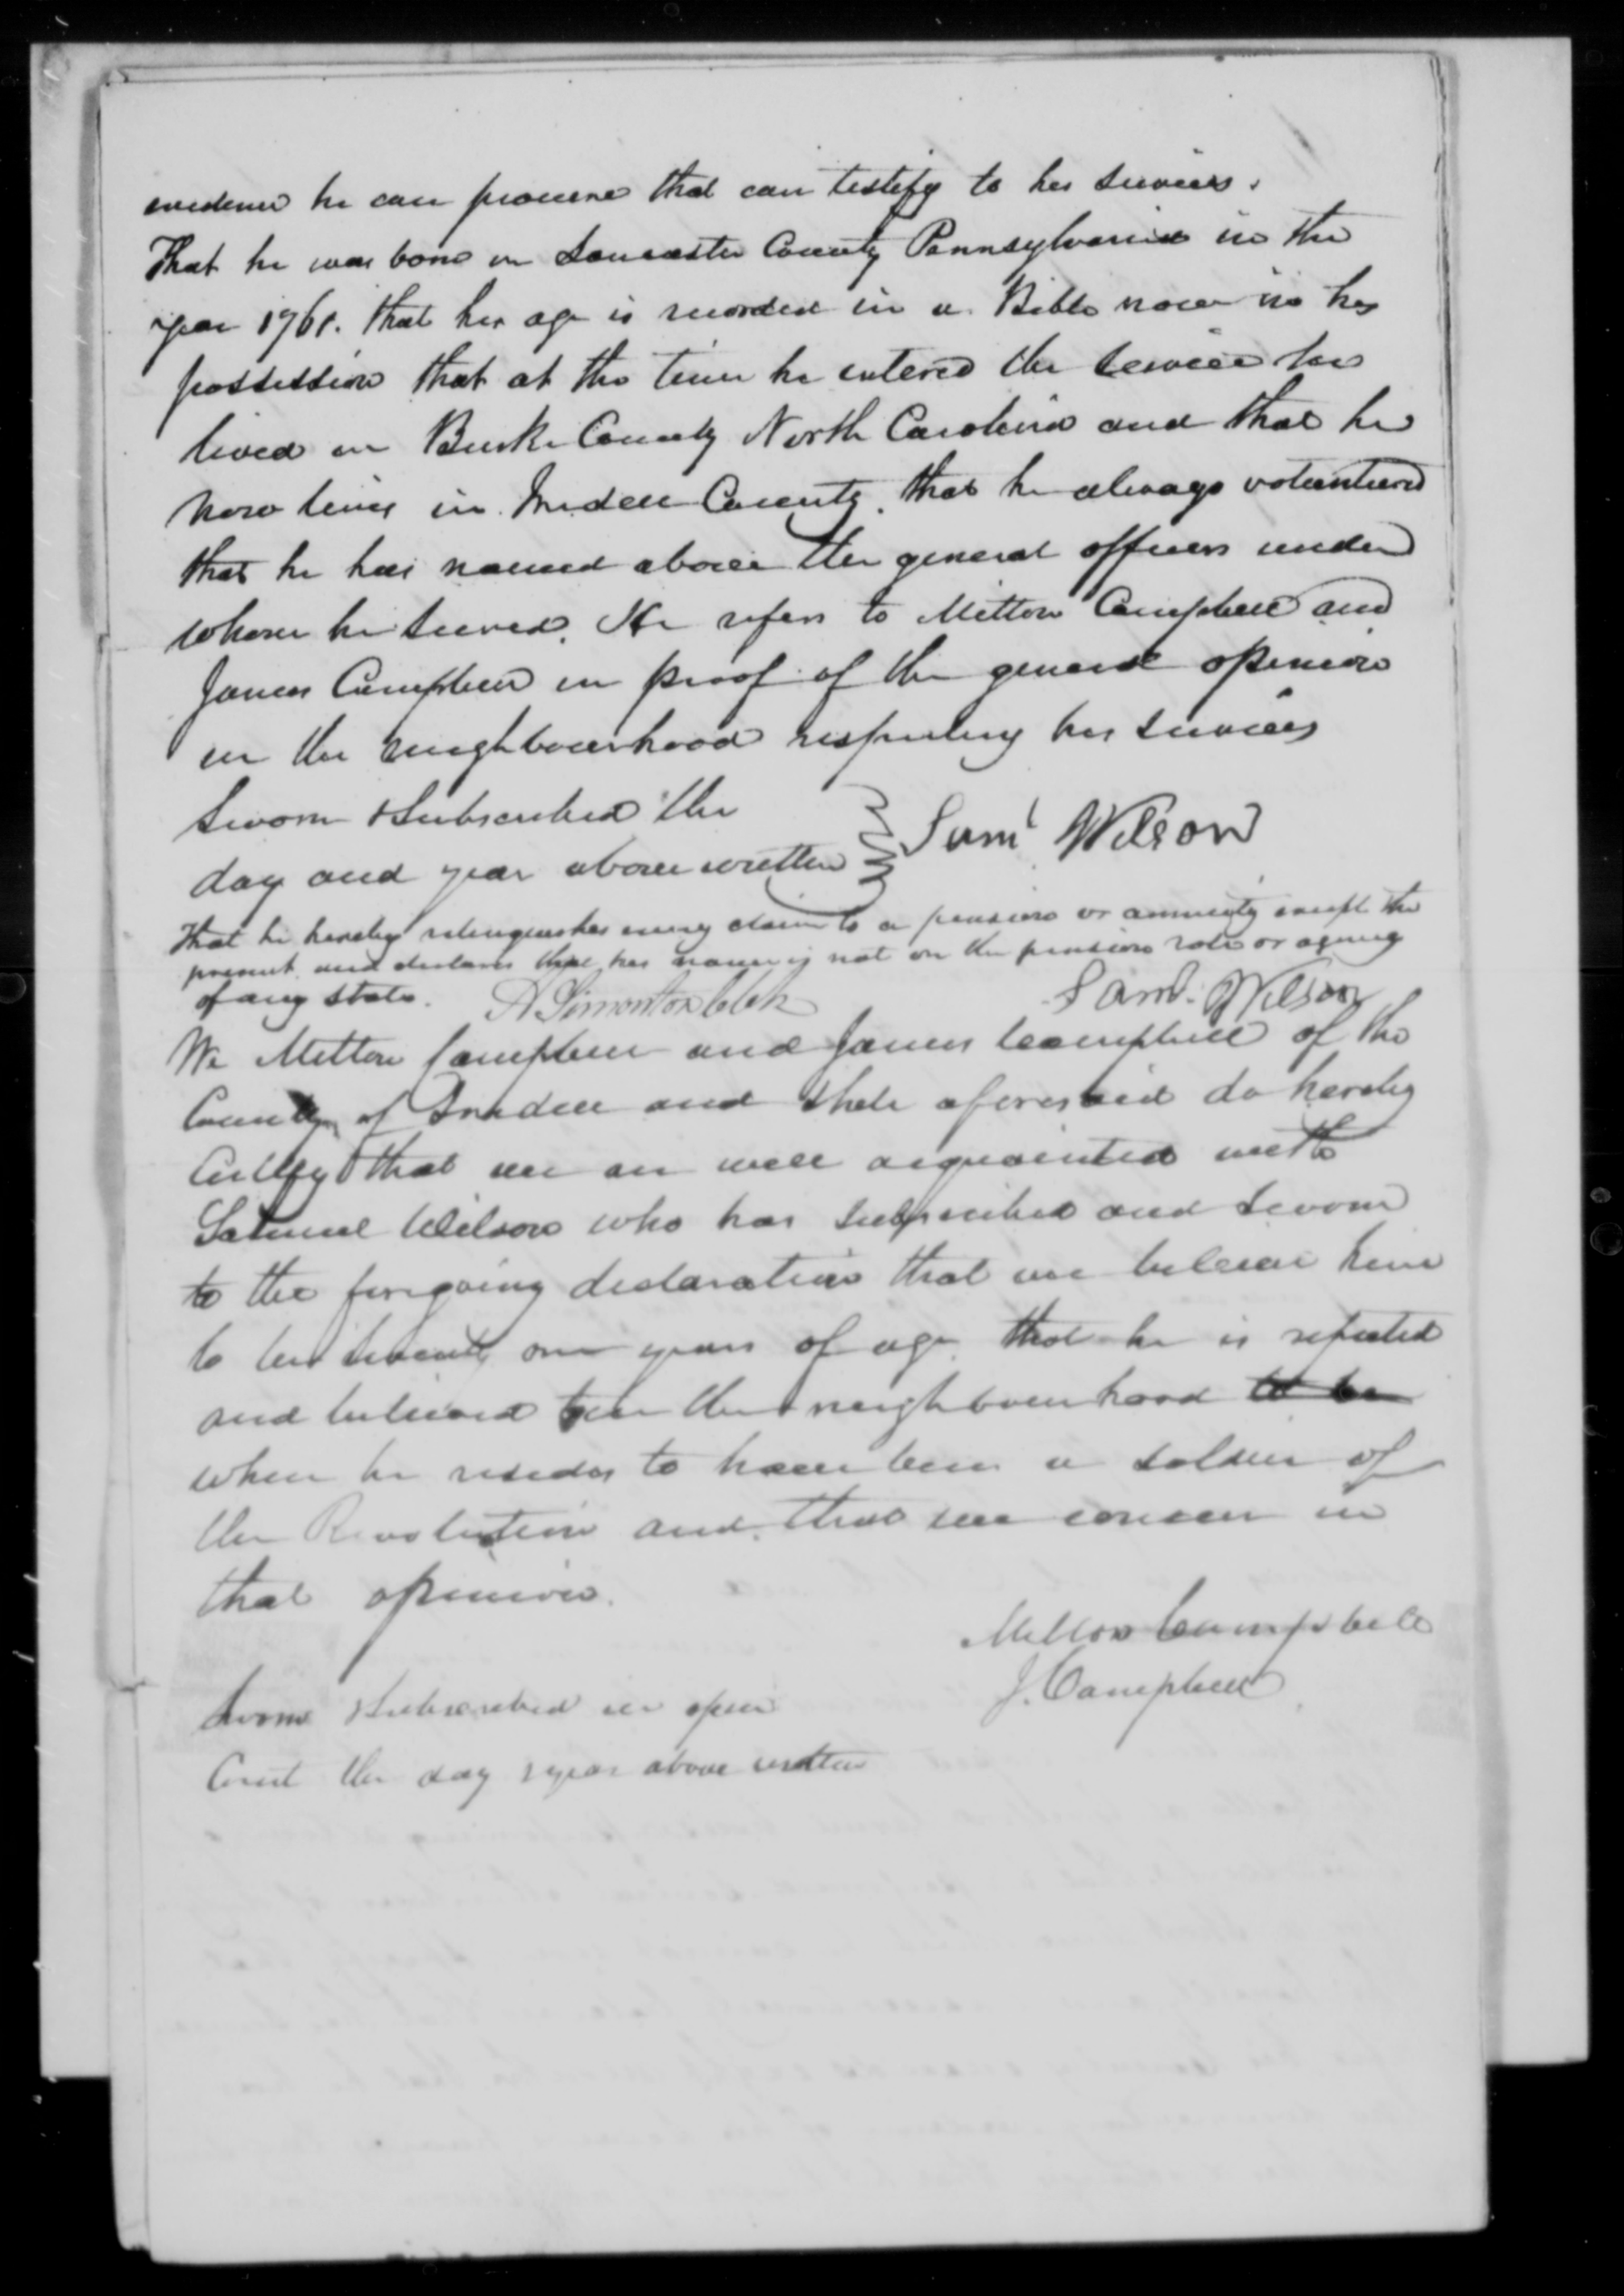[evidence?] he can [procure?] that can testify to his services.
That he was born in Lancaster County Pennsylvania in the year 1761, that his age is recorded in a Bible now in his possession that at the time he entered the service he lived in Burke County North Carolina and that he now lives in Iredell County North Carolina, that he always volunteered that he has [illegible] above the general officers under whom he served. He refers to Milton Campbell and James Campbell in proof of the general opinions in the neighborhood respecting his services.
Sworn & Subscribed this day and year above written } Sam Wilson
That he hereby relinquishes every claim to a pension or annuity except the present and declares that he now is not on the pension rolls or agency of any state. A. Simonton Clerk Saml. Wilson
We Milton Campbell and James Campbell of the County of Iredell and state aforesaid do hereby certify that we are well acquainted with Samuel Wilson who has subscribed and sworn to the foregoing declaration that we believe him to be seventy one years of age that he is respected and believed in the neighborhood where he resides to have been a soldier of the Revolution and thus we concur in that opinion.
Milton Campbell
J. Campbell
Sworn & Subscribed in open Court the day and year above written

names: Saml Wilson, Milton Campbell, A Simonton, James Campbell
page: 8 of 13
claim: survivor's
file: S. 7944, Samuel Wilson, N.C.